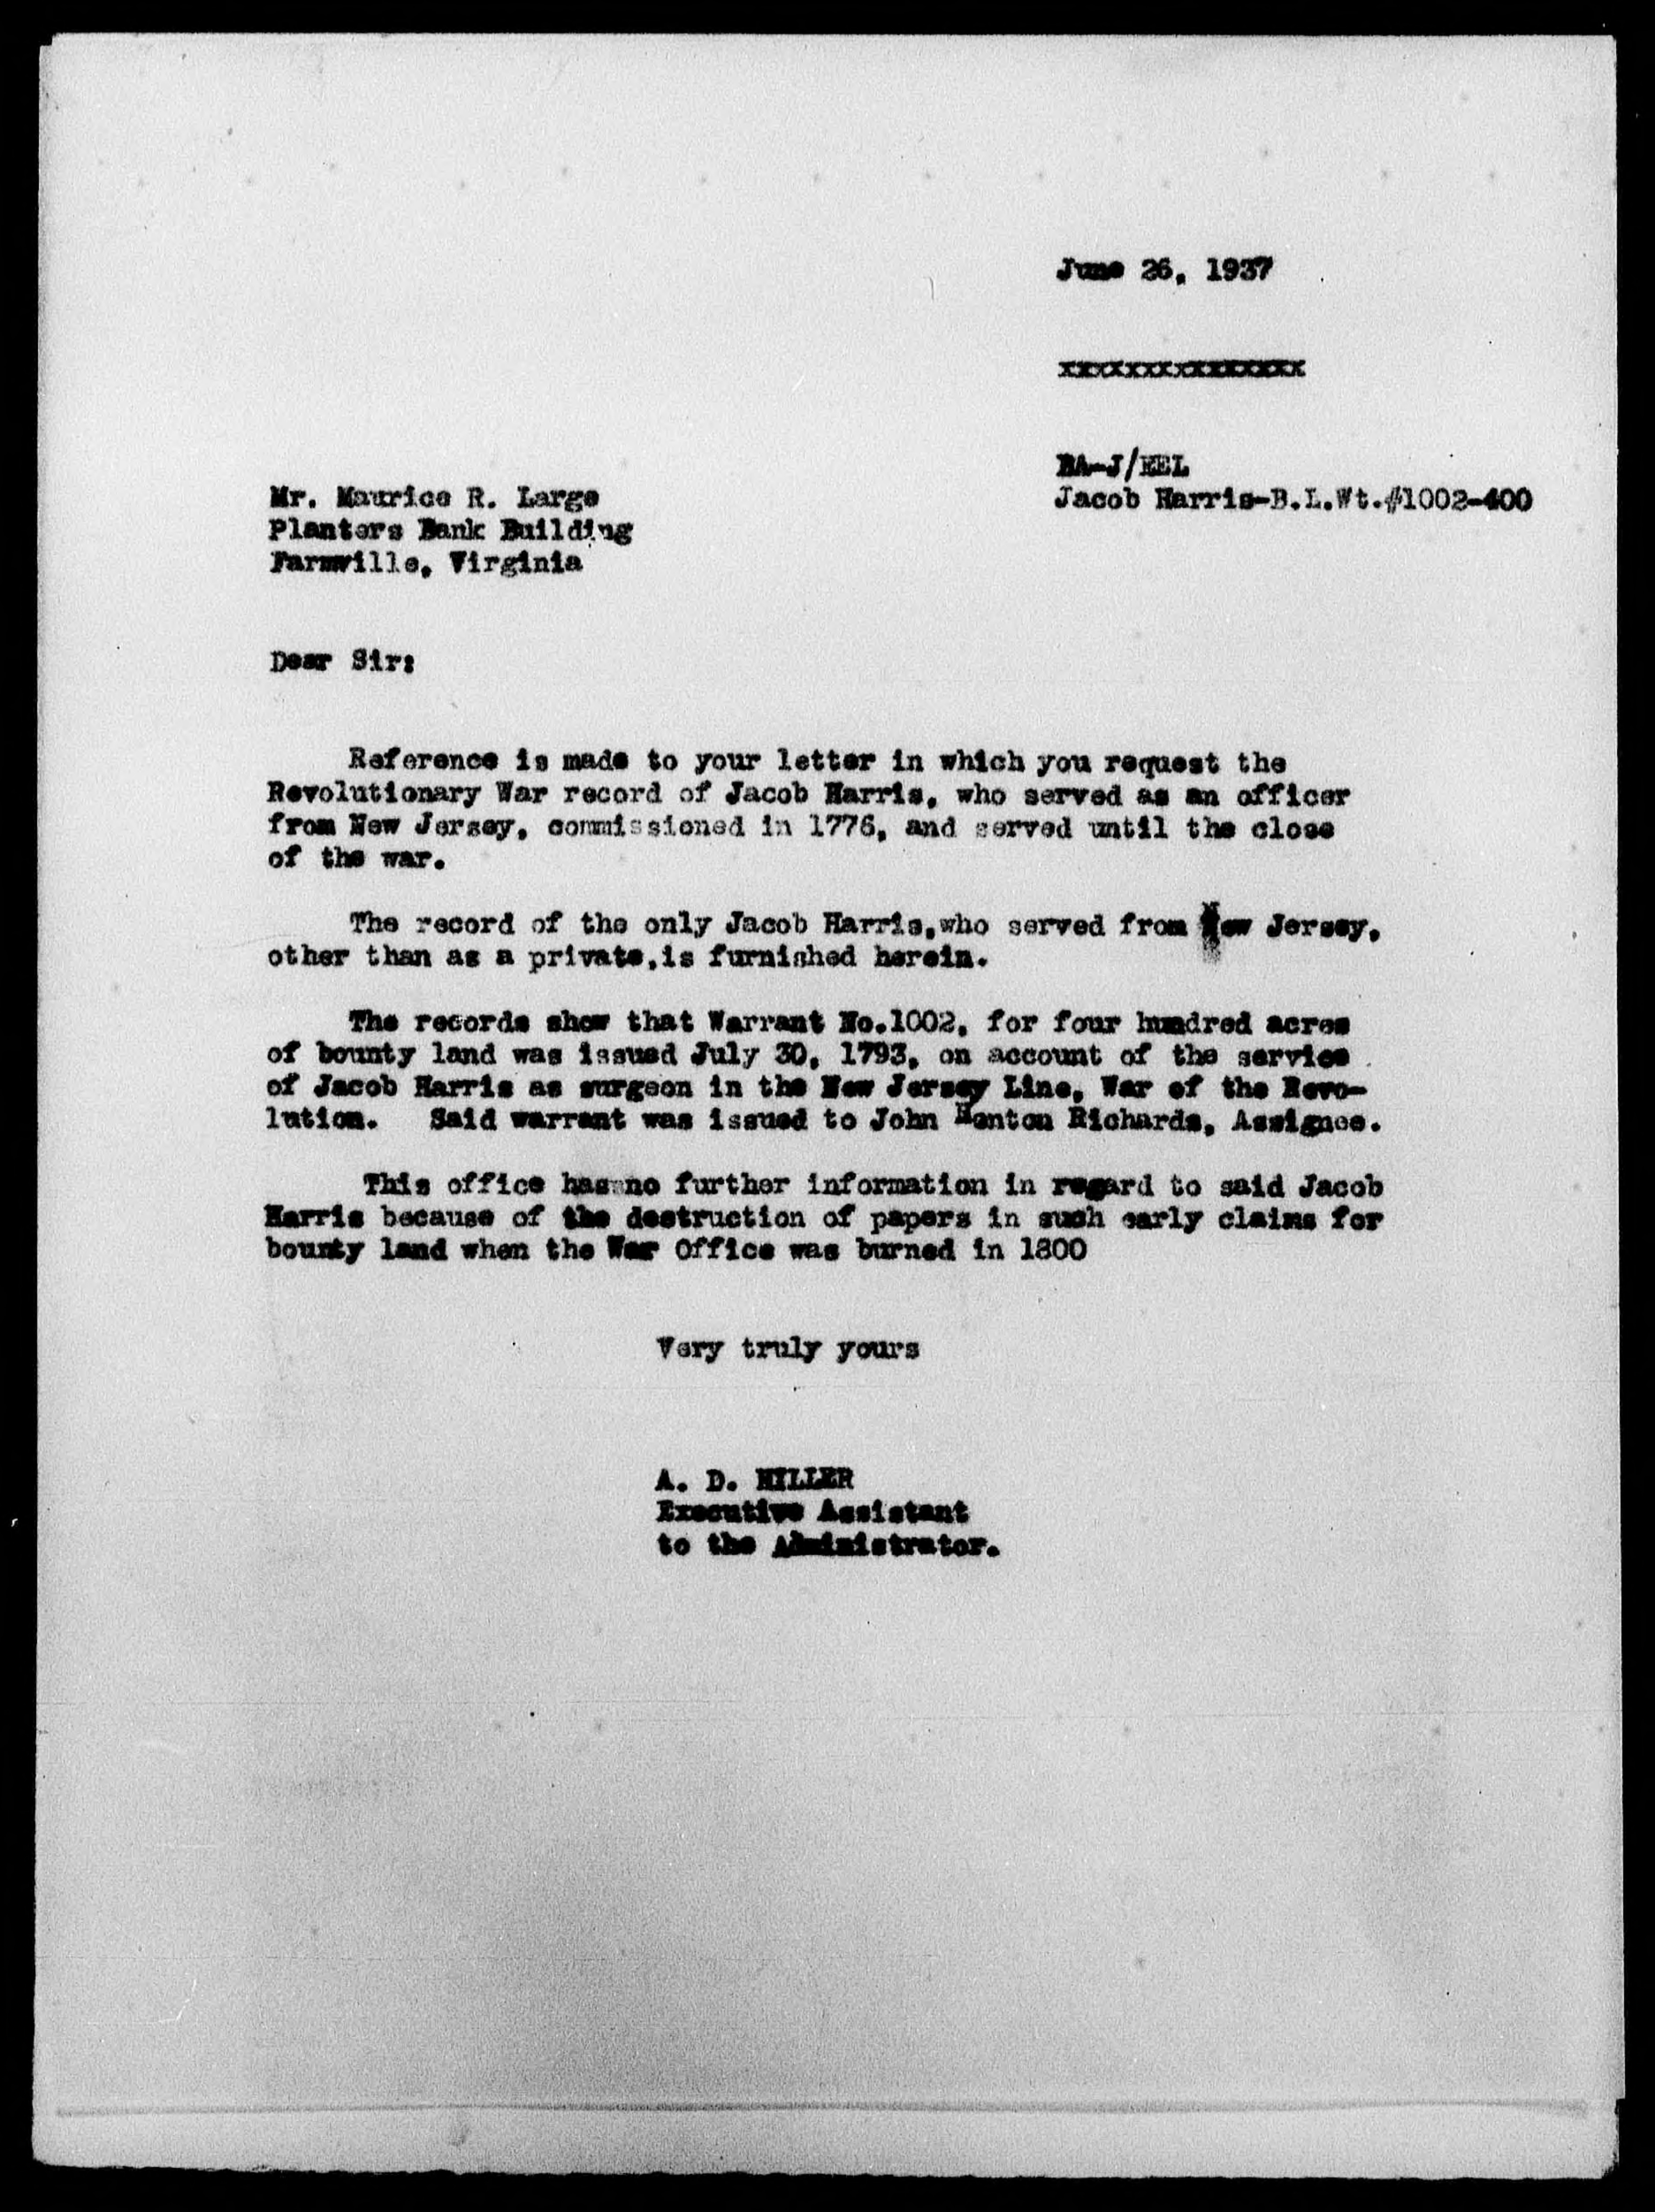June 26, 1937
xxxxxxxxxxxxxxxx

BA-J/EEL
Jacob Harris - B. L. Wt. #1002-400

Mr. Maurice R. Large
Planters Bank Building
Farmville, Virginia

Dear Sir:

Reference is made to your letter in which you request the Revolutionary War record of Jacob Harris, who served as an officer from New Jersey, commissioned in 1776, and served until the close of the war.

The record of the only Jacob Harris, who served from New Jersey, other than as a private, is furnished herein.

The records show that Warrant No.1002, for four hundred acres of bounty land was issued July 30, 1793, on account of the service
of Jacob Harris as surgeon in the New Jersey Line, War of the Revolution. Said warrant was issued to John Henton Richards, Assignee.

This office has no further information in regard to said Jacob Harris because of the destruction of papers in such early claims for bounty land when the War Office was burned in 1800

Very truly yours
A. D. HILLER
Executive Assistant
to the Administrator.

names: Jacob Harris, Jacob Harris, John Henton Richards, Jacob Harris, Jacob Harris, Jacob Harris, Maurice R Large, A D Hiller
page: 2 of 3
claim: bounty land warrant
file: B. L. Wt. 1002-400-Surgeon, Jacob Harris, New Jersey